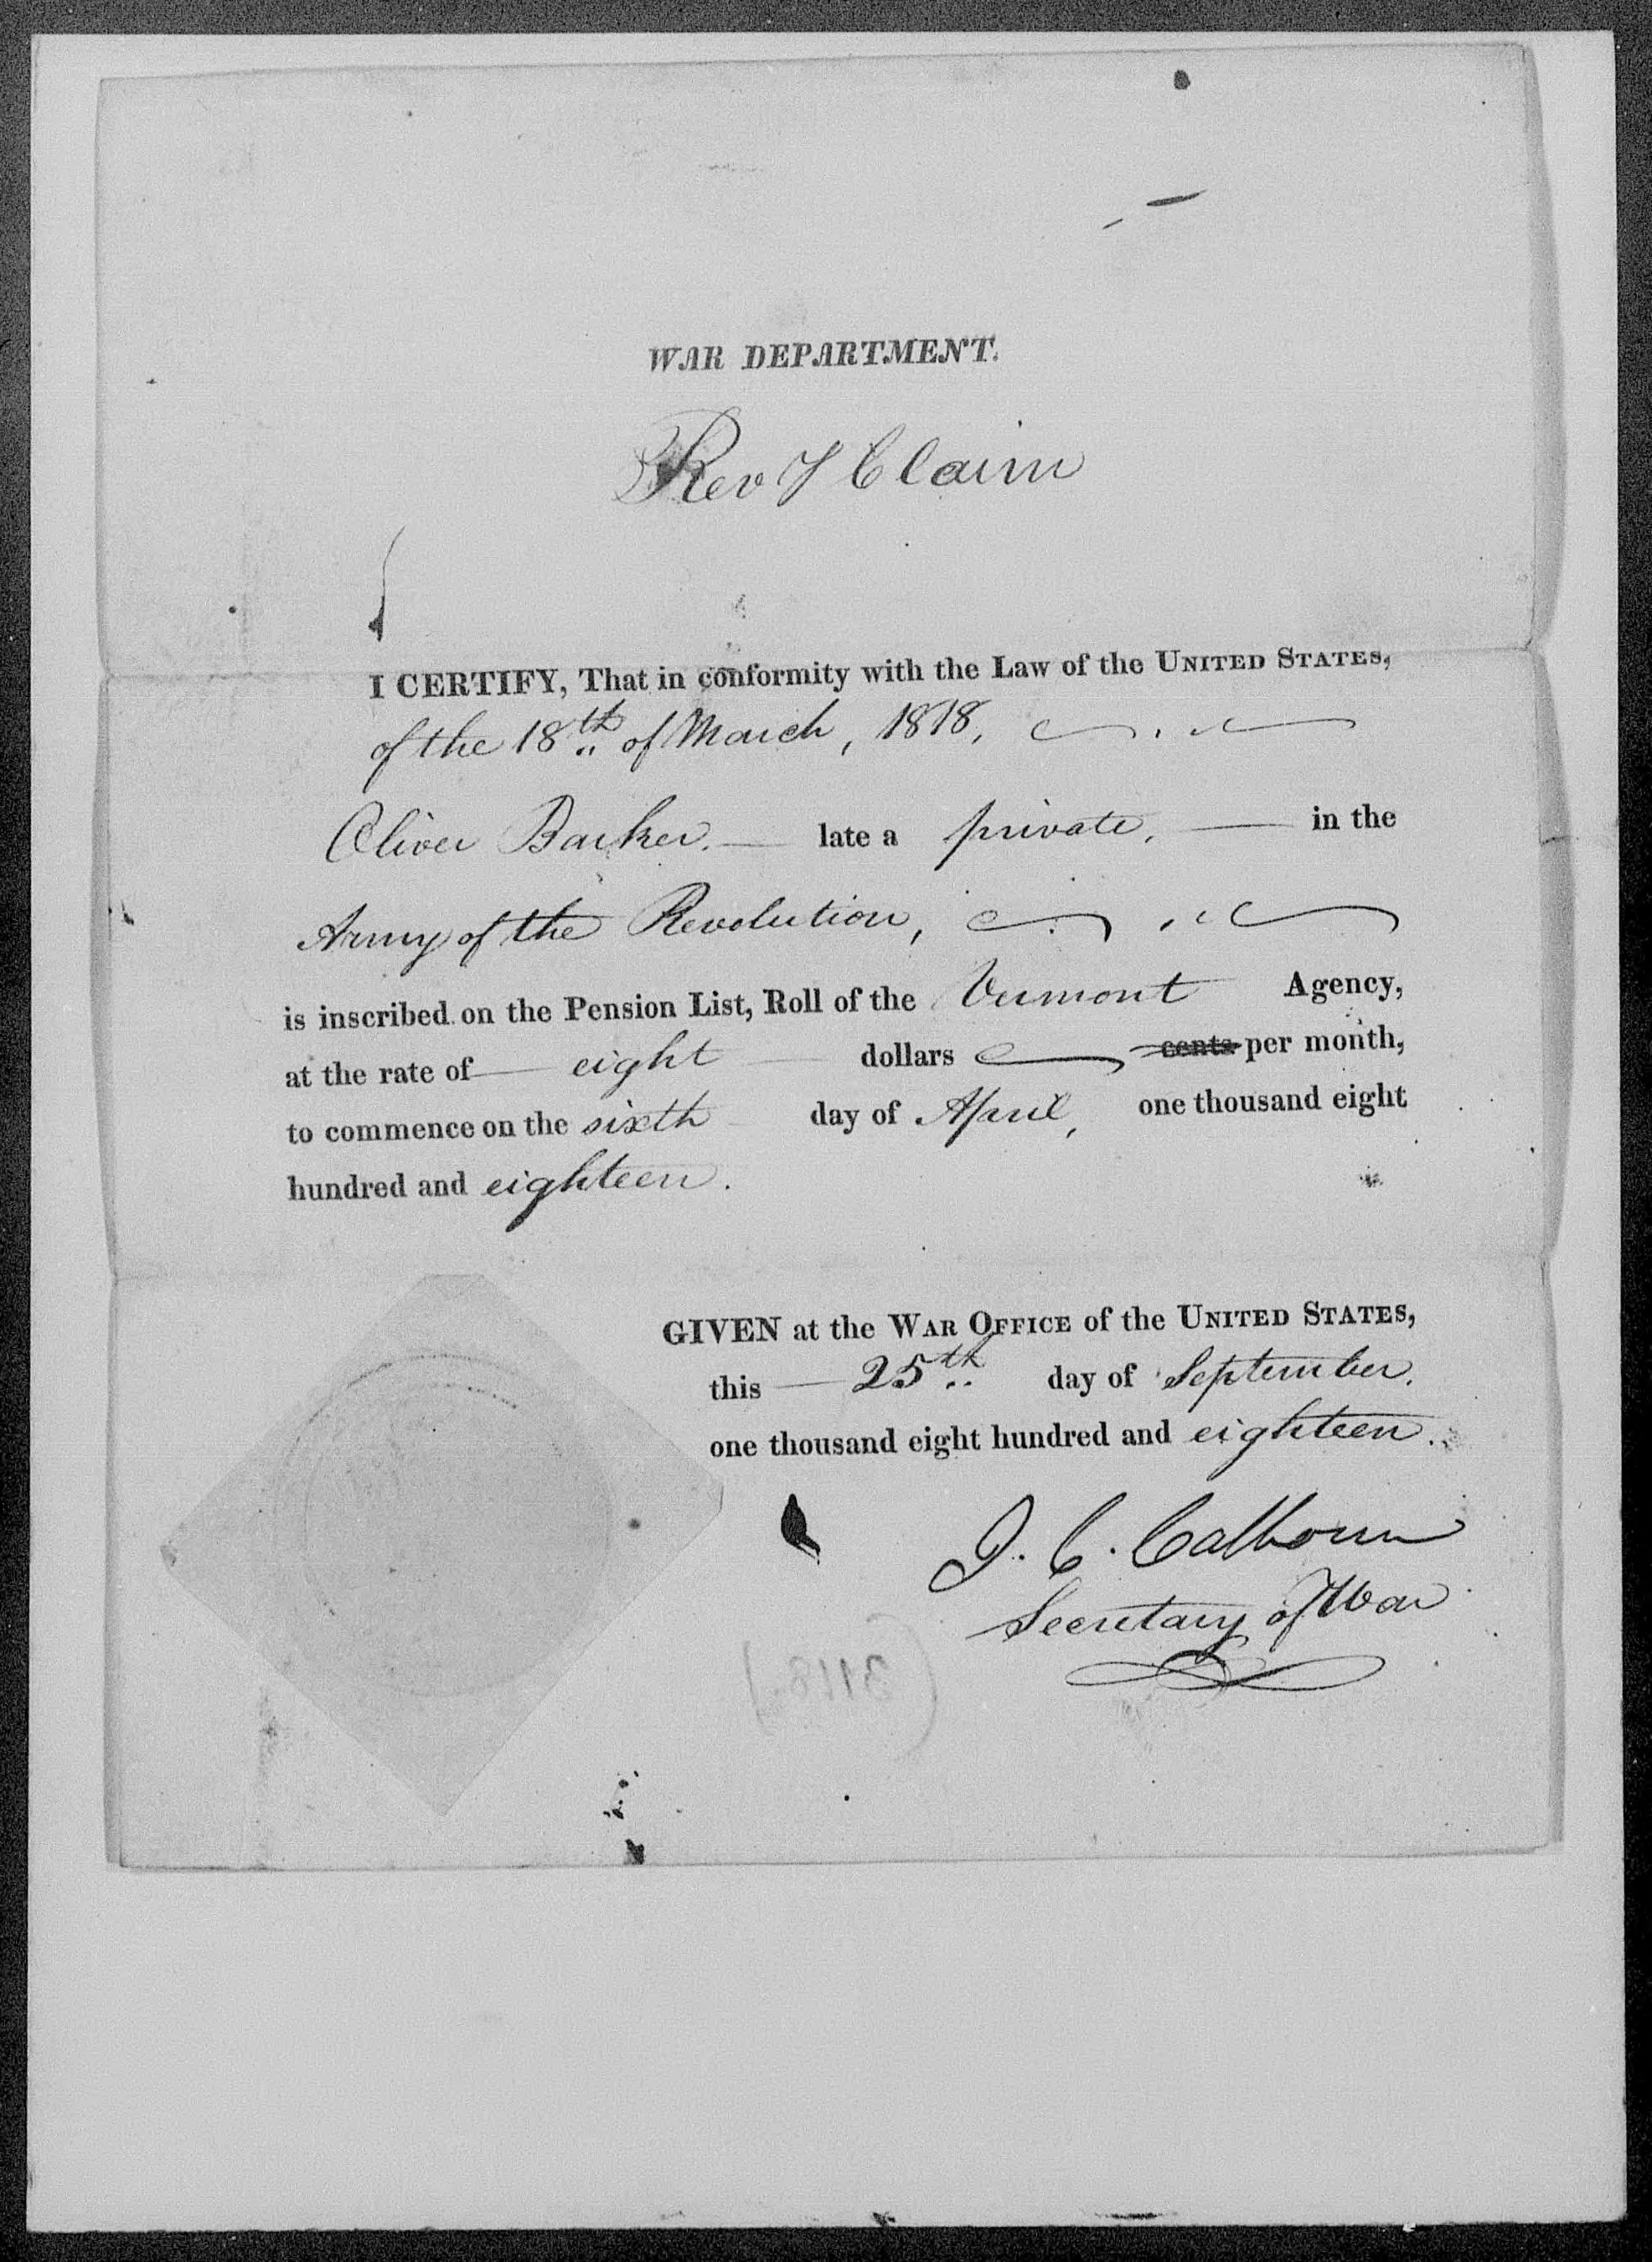WAR DEPARTMENT. 
Revy Claim 
I CERTIFY, That in conformity with the Law of the UNITED STATES of the 18th of March, 1818,    Oliver Barker late a private in the Army of the Revolution.  is inscribed on the Pension List, Roll of the Vermont Agency, at the rate of eight dollars cents per month, to commence on the sixth day of April one thousand eight hundred and eighteen. 
GIVEN at the WAR OFFICE of the UNITED STATES, this 25 day of September one thousand eight hundred and eighteen 
J. C. Calhoun 
Secretary of War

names: J C Calhoun, Oliver Barker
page: 41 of 51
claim: widow's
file: W. 1698, Oliver Barker, Conn.